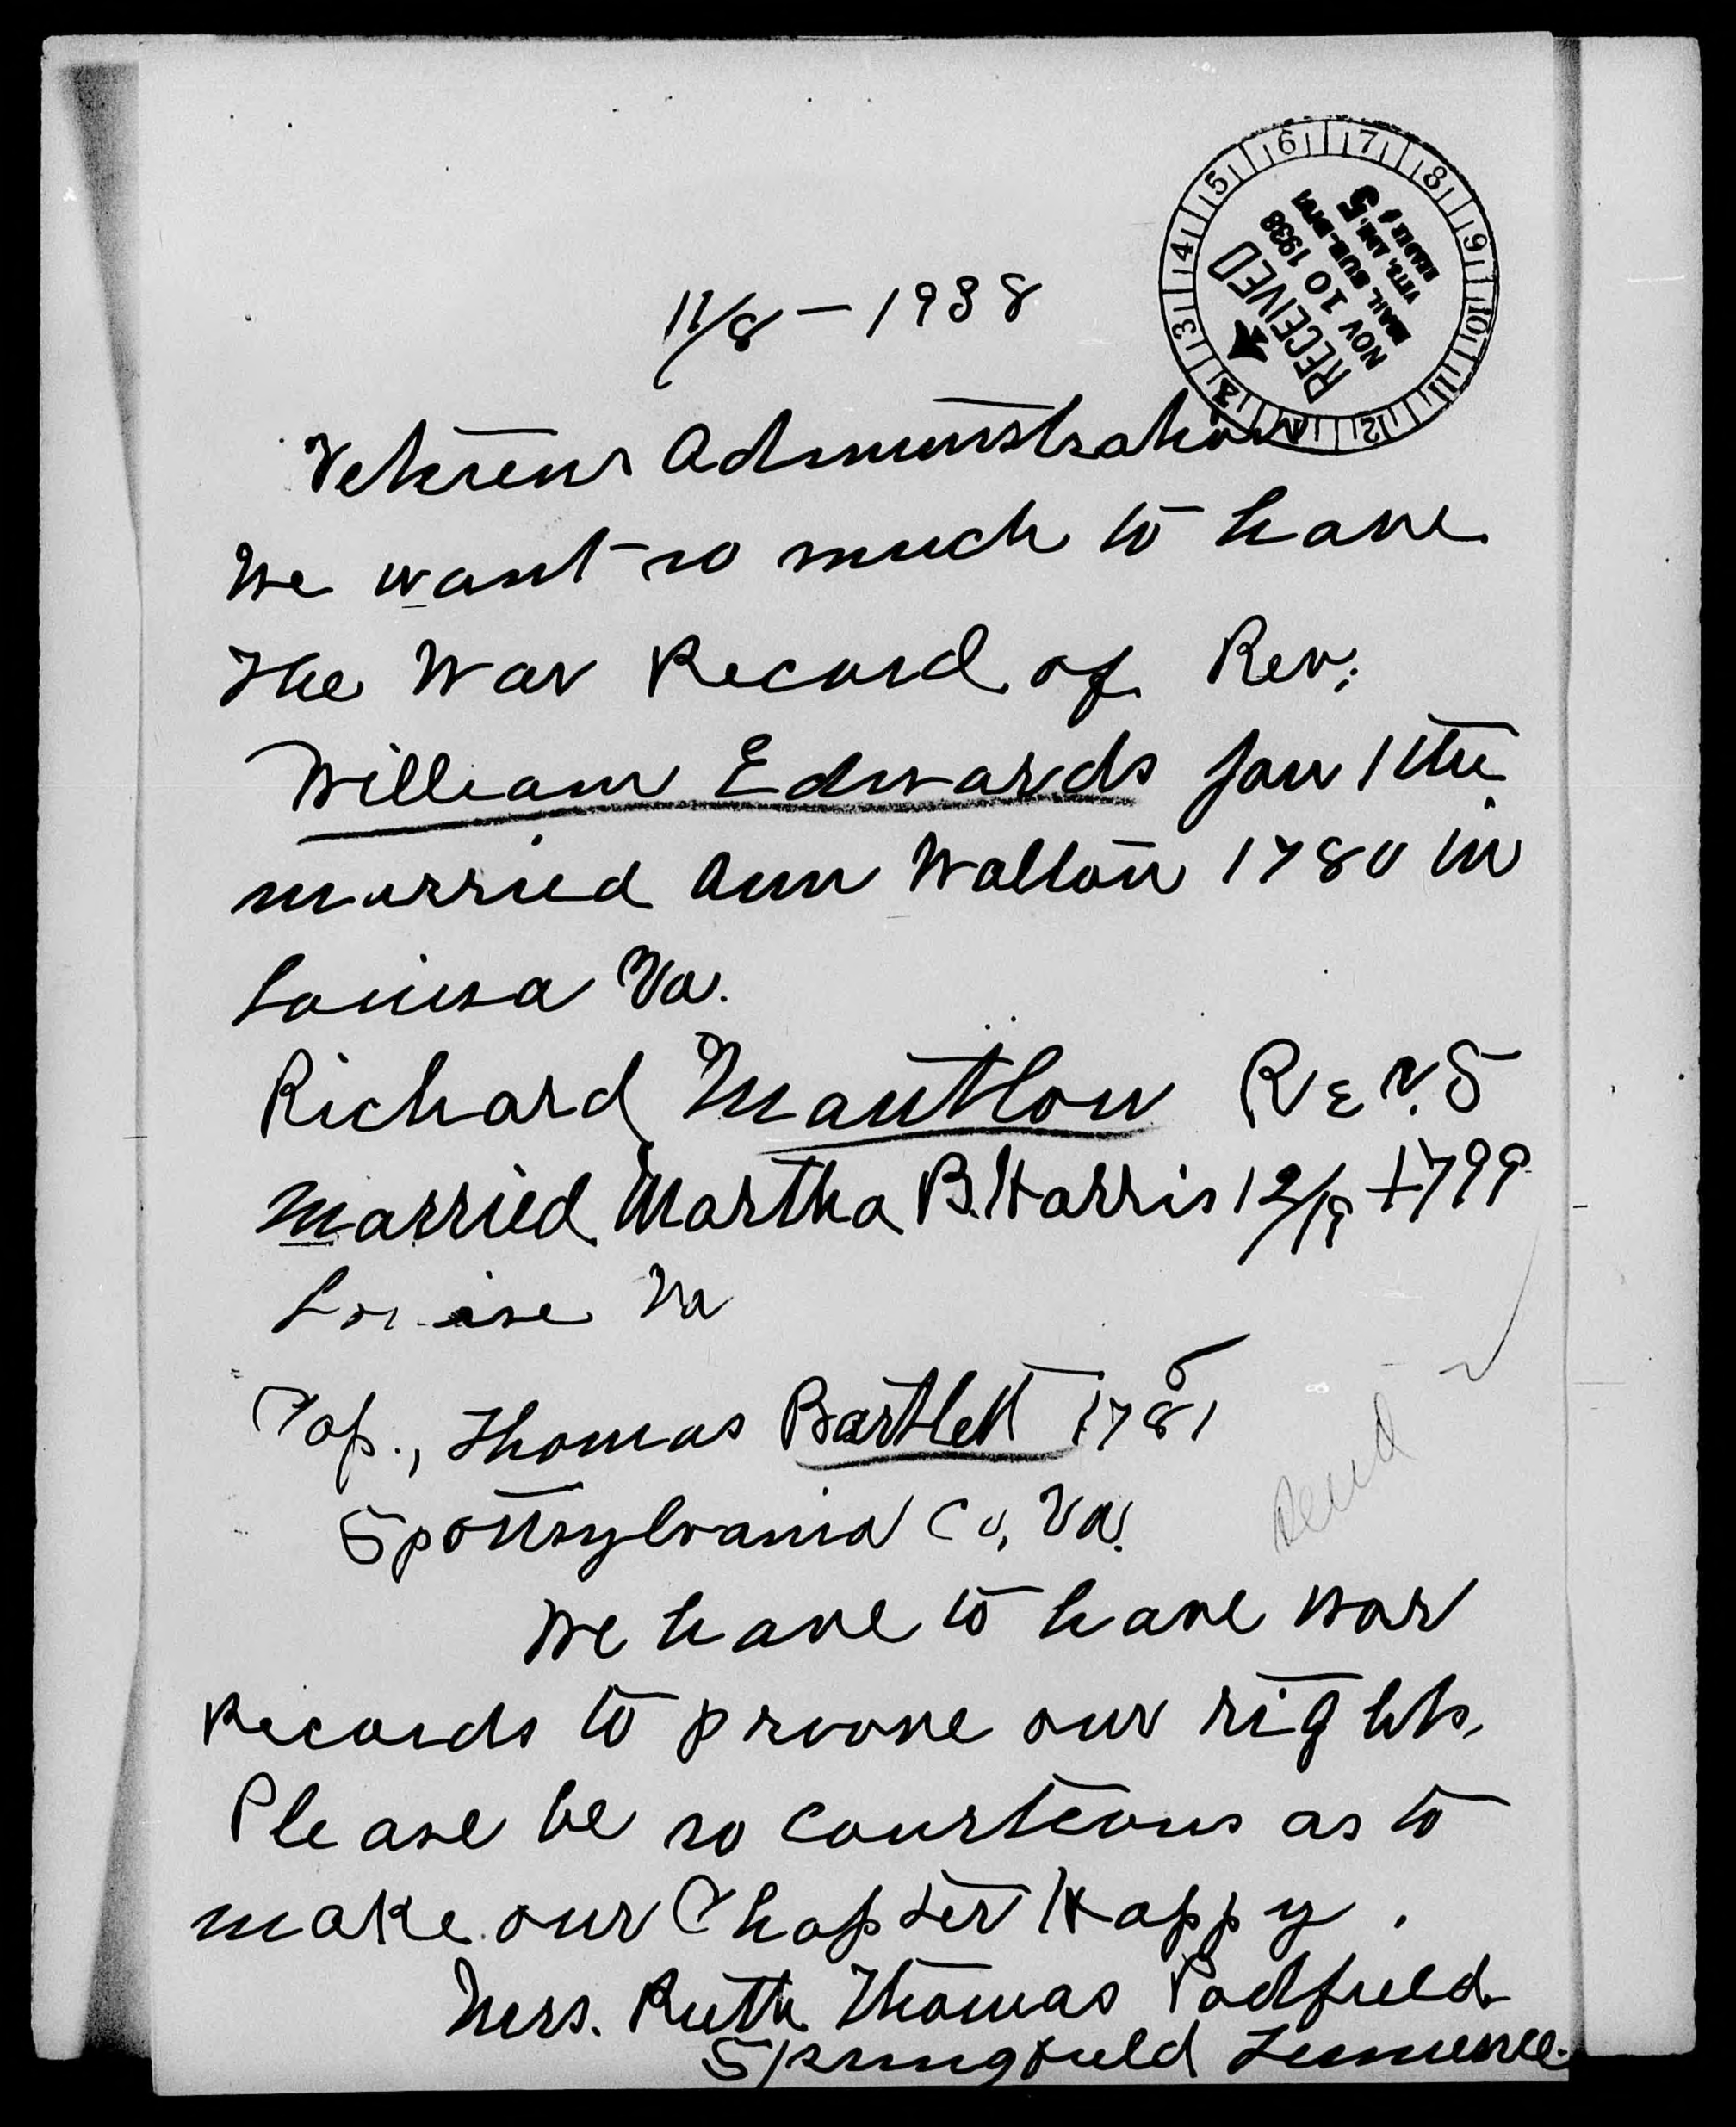11/8 - 1938
Veterans Administration
We want so much to have the War Record of Rev; William Edwards Jan 1 the married Ann Walton 1780 in Louisa Va.
Richard Mantlow Rev. S married Martha B. Harris 12/19 1770 Louisa Va
Cap., Thomas Bartlett 1781
Spotsylvania Co. Va.
We have to have war Records to prove our rights, Please be so courteous as to make our Chapter Happy.
Mrs. Ruth Thomas Padfield
Springfield Tennessee.

[stamp]
RECEIVED
NOV 10 1938
MAIL SUB-DIV.
VETS. ADM.
READER # 5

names: Ruth Thomas Padfield, Thomas Bartlett, Martha B Harris, William Edwards, Richard Mantlow, Ann Walton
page: 33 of 47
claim: survivor's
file: S. 3,322, William Edwards, Va.